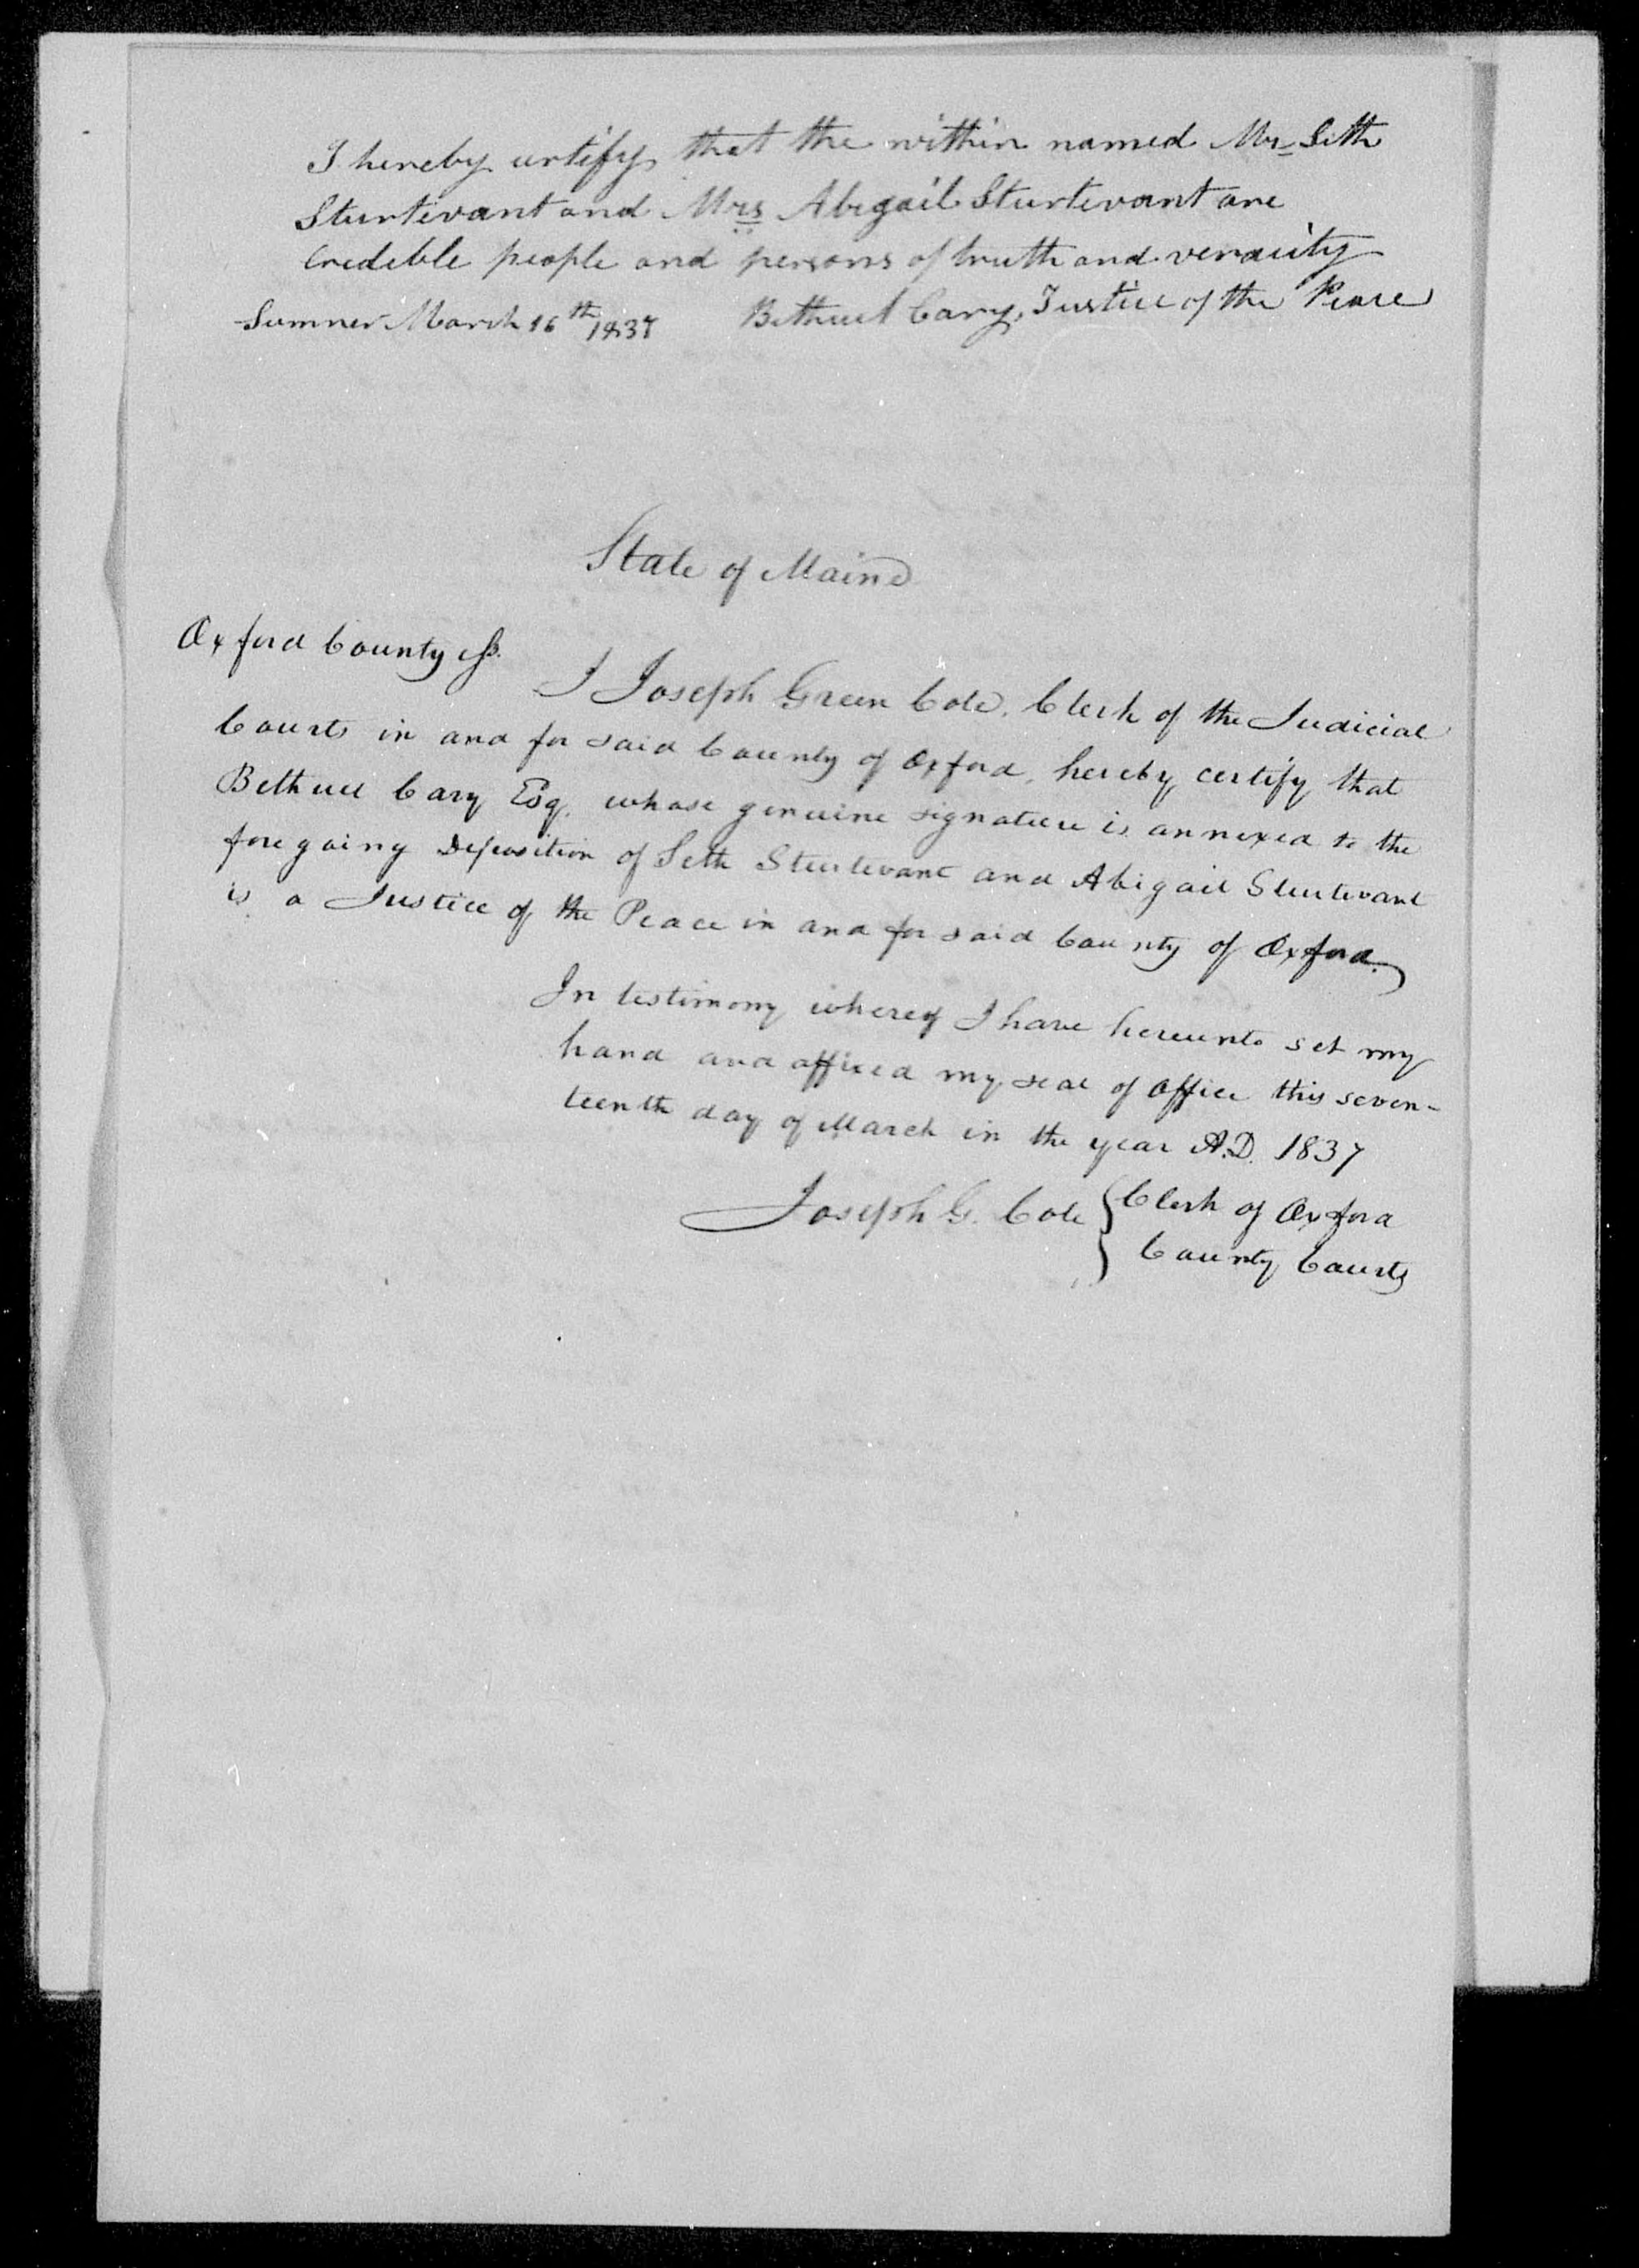Oxford County
I Joseph Green Cole, Clerk of the Judicial Courts in and for said County of Oxford hereby certify that Bethnel Cary Esq whose genuine signature is annexed to the foregoing deposition of Seth Sturtevant and Abigail Sturtevant is a Justice of the Peace in and for said County of Oxford.
In testimony whereof I have hereunto set my and and affixed my seal of office this seventeenth day of March in the year AD 1837
Joseph G. Cole
Clerk of Exford County Court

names: Bethnel Cary, Abigail Sturtevant, Abigail Sturtevant, Joseph G Cole, Joseph Green Cole, Seth Sturtevant, Bethnel Cary, Seth Sturtevant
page: 23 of 47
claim: widow's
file: W. 14703, Elisha Faxon, Mass